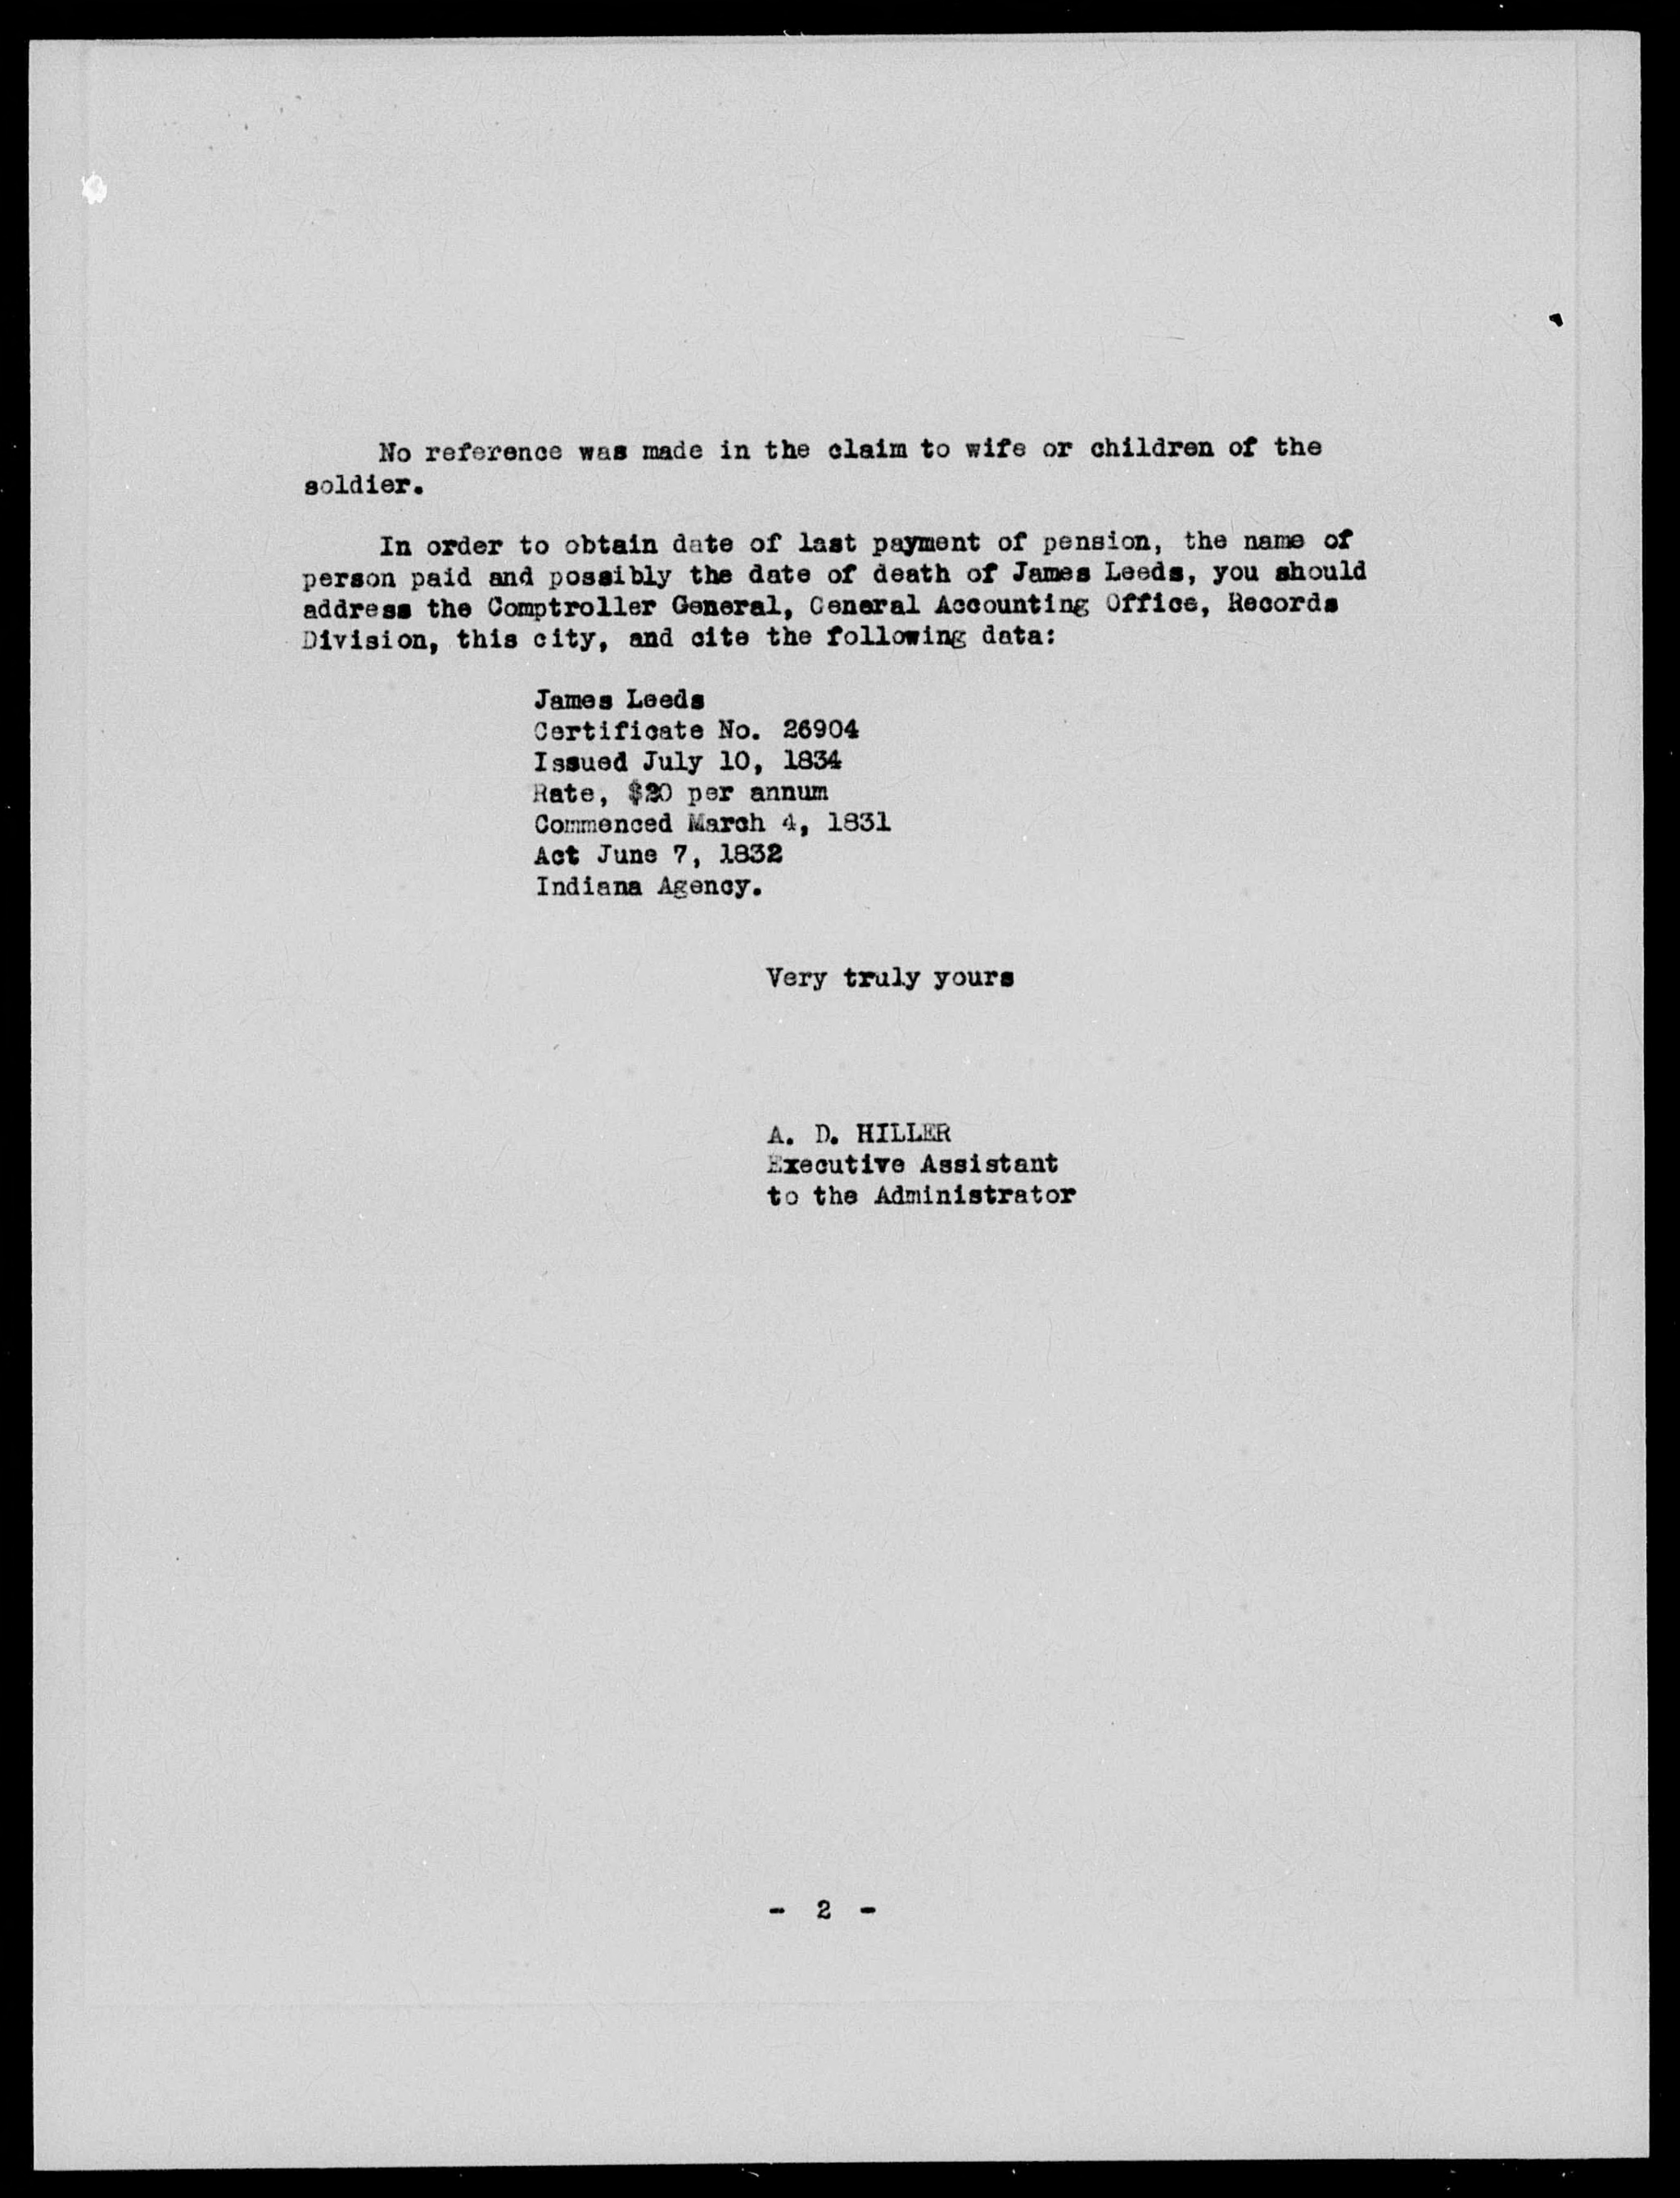No reference was made in the claim to wife or children of the soldier.

In order to obtain date of last payment of pension, the name of person paid and possibly the date of death of James Leeds you should address the Comptroller General, General Accounting Office, Records Division, this city, and cite the following data:

James Leeds Certificate No. 26904 Issued July 10, 1834 Rate, $20 per Annum Commenced March 4, 1831 Act June 7, 1832 Indiana Agency.

Very truly yours

A.D. HILLER
Executive Assistant
to the Administrator

[Bottom center page] 2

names: A D Hiller; James Leeds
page: 20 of 38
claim: survivor's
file: S 31817, for James Leeds, New Jersey